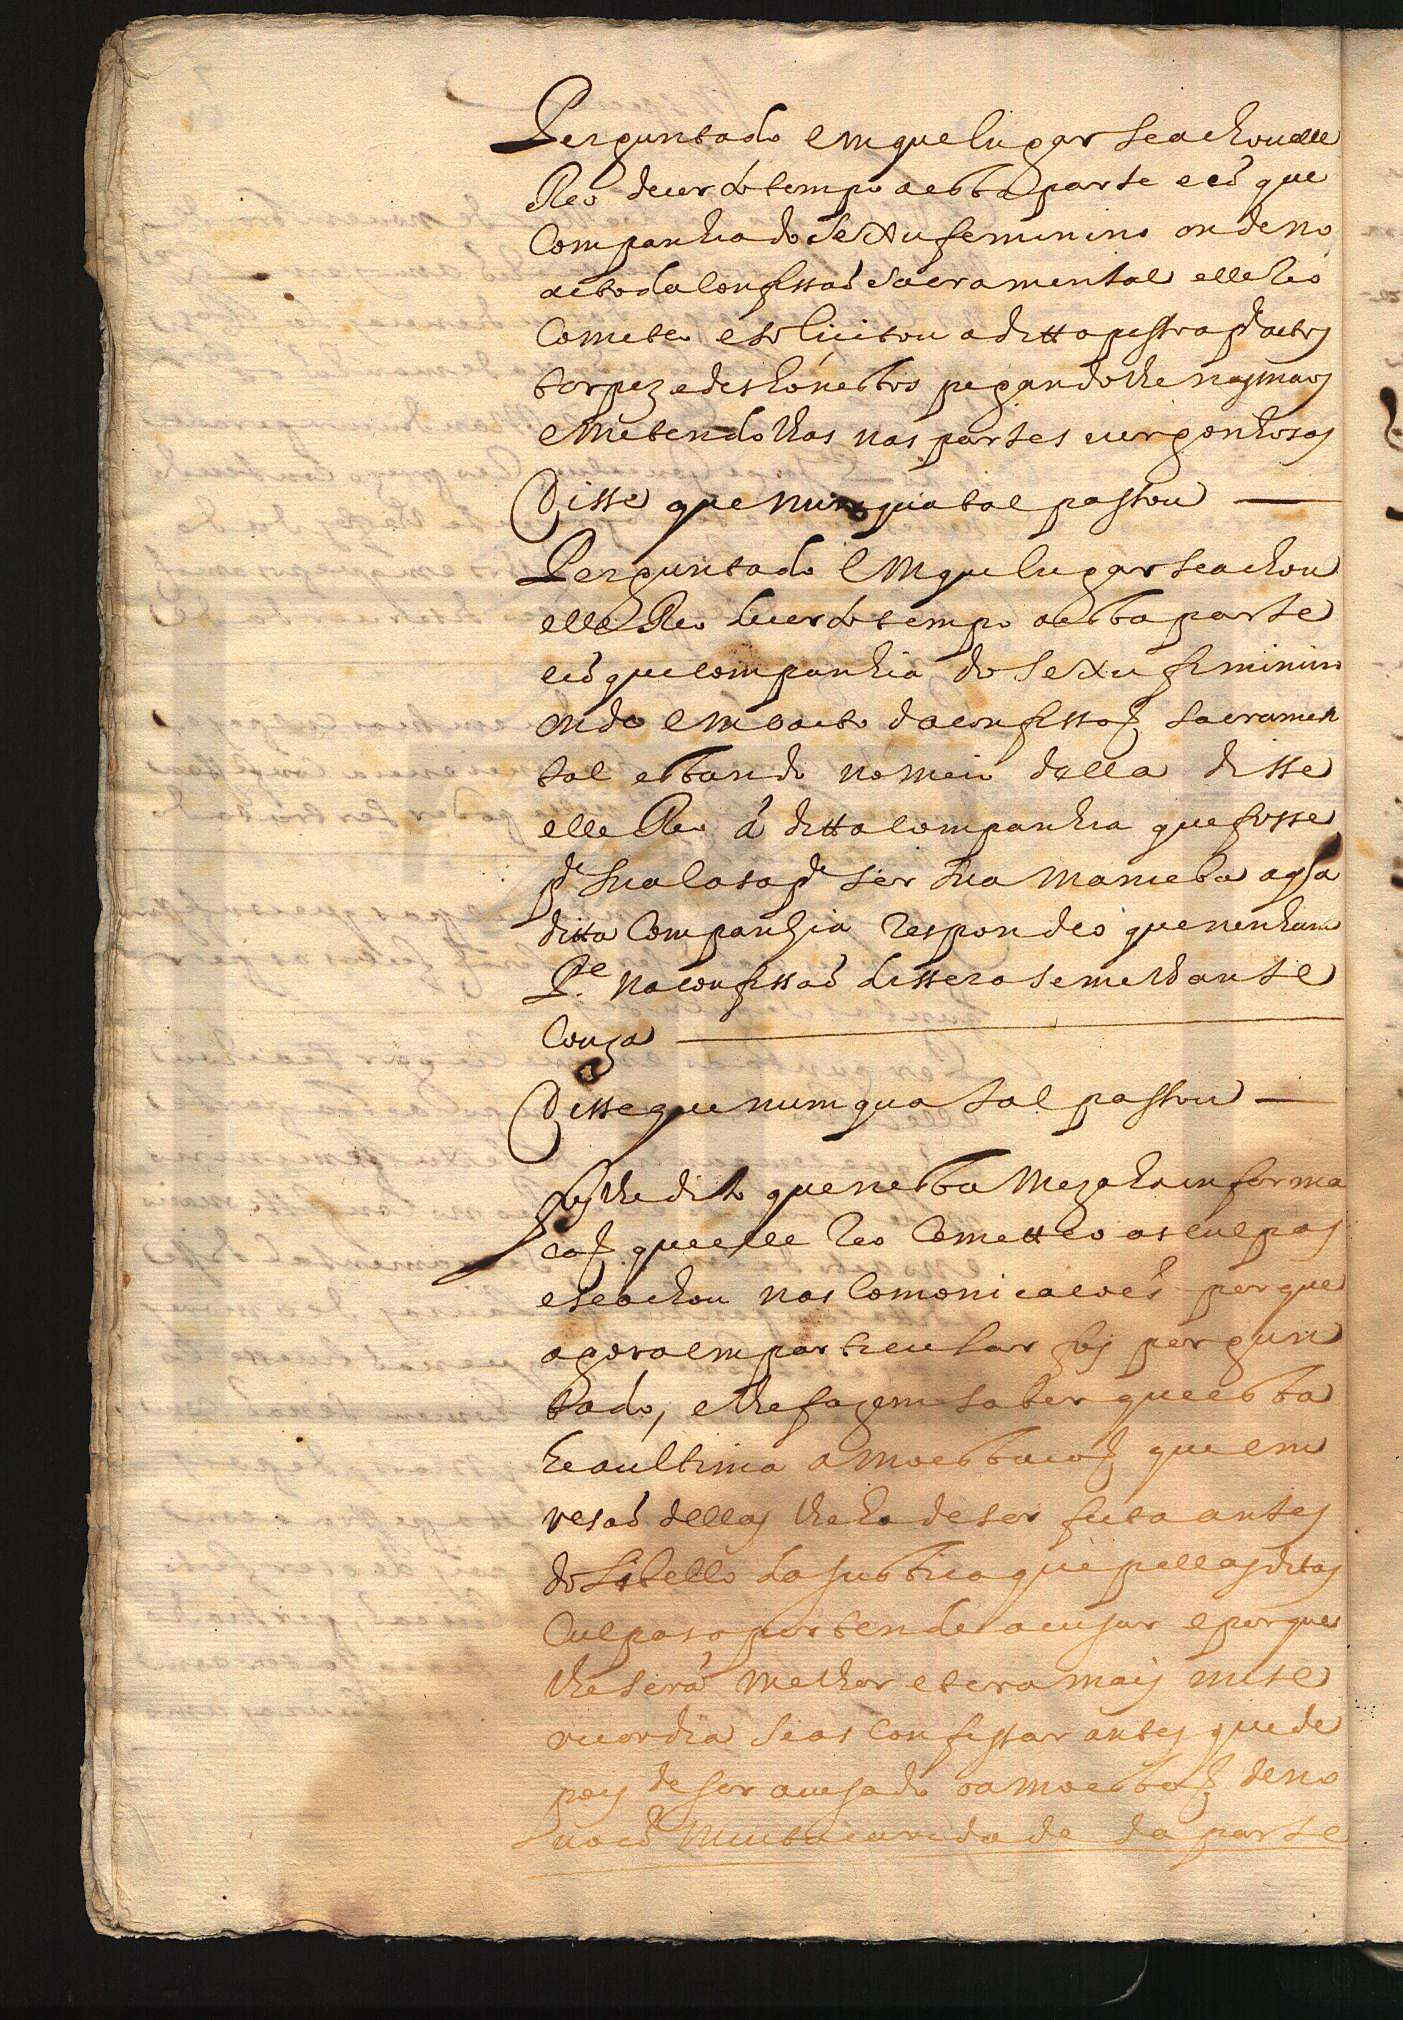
Perguntado em que lugar se achou elle
Reo de certo tempo a esta parte e cō que
companhia do Sexu feminino onde no
acto da confissaõ sacramental elle Reo
cometeo e solicitou a ditta pessoa pa actos
torpez e deshonestos pegandolhe nas maos
e metendolhas nas partes uergonhosas
Disse que nunqua tal passou
Perguntado em que lugar se achou
elle Reo de certo tempo a esta parte
e cō que companhia do sexu feminino
onde em o acto da confissaõ sacramen
tal estando no meio della disse
elle Reo á ditta companhia que fosse
pa sua casa pa ser sua manceba a q̄ a
ditta companhia Respondeo que nenhum
P.e na confissaõ dissera semelhante
Couza
Disse que numqua tal passou
foj lhe dito que nesta Meza ha informa
çaõ que elle Reo cometteo as culpas
e se achou nas comonicaçoẽs per que
agora em particular foj pergun
tado, e lhe fazem saber que esta
he a ultima amoestaçaõ que em
resaõ dellas lhe ha de ser feita antes
do Libello da Justiça que pellas ditas
culpas o pertende acusar e porque
lhe será melhor e tera mais mise
ricordia se as confessar antes que de
pois de ser acusado o amoestaõ de no
uo cō muita caridade da parte
